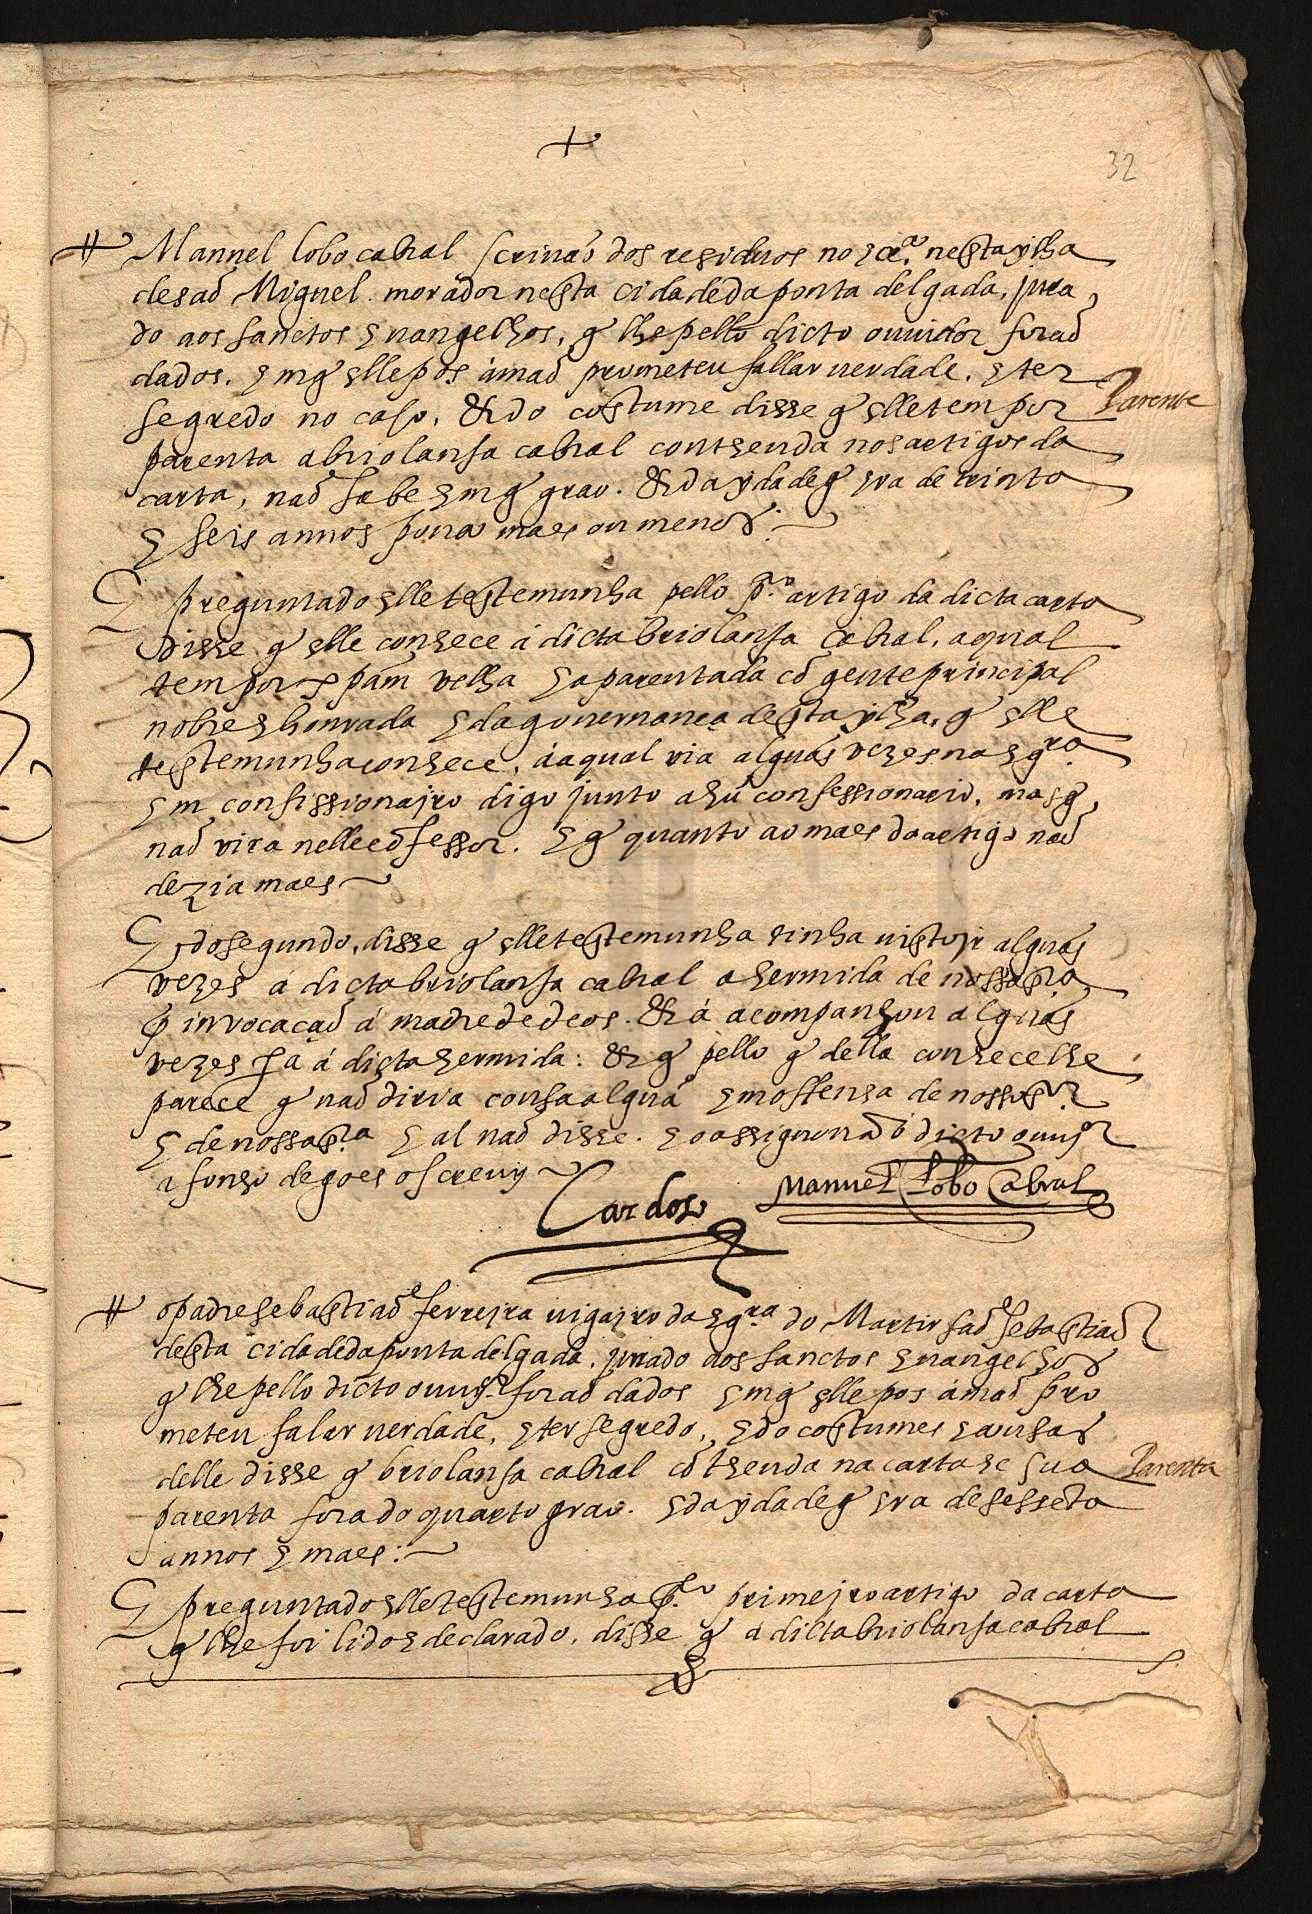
item Manuel lobo cabral scriuaõ dos residuos no Eccco nesta ylha
de saõ Miguel morador nesta cidade da ponta delgada, jura
do aos Sanctos Euangelhos, q̅ lhe pello dicto ouuidor foraõ
dados. Em q̄ Elle pos a maõ prometeu fallar uerdade. E ter
segredo no caso, & do costume disse q̄ Elle tem por
Parente
parenta a briolanja cabral contheuda nos artigos da
carta, naõ sabe Em q̄ grao. & da ydade q̄ Era de trinta
E seis annos pouco maes ou menos.
E preguntado Elle testemunha pello p.ro artigo da dicta carta
disse q̄ elle conhece a dicta briolanJa cabral, a qual
tem por xpām velha E aparentada cō gente principal
nobre E honrada E da gouernança desta ylha, q̄ Elle
testemunha conhece, àa qual via alguās vezes na Egra.
Em confissionajro digo junto a hū confessionario, mas q̄
naõ vira nelle cōfessor. E q̄ quanto ao maes do artigo naõ
dezia maes
E do segundo, disse q̅ Elle testemunha tinha uisto jr alguās
vezes a dicta briolanJa cabral a hermida de nossa s.ra
p̄ invocaçaõ à madre de deos. & à acompanhou alguas̄
vezes ꝑa à dicta hermida: & q̄ pello q̄ della conhece lhe
parece q̄ naõ diria cousa alguā Em offensa de nosso sor.
E de nossa s.ra E al naõ disse. E o assignou cō o dicto ouujor
afonso de goes o screuy
Manuel Lobo CabraL
Cardoso
item o padre sebastiaõ ferrejra uigajro da Eg.ra do Martir saõ sebastiaõ
desta cidade da ponta delgada jurado dos sanctos Euangelhos
q̄ lhe pello dicto ouuyor foraõ dados Em q̄ elle pos a maõ pro
meteu falar uerdade, E ter segredo, E do costume E cousas
delle disse q̄ briolanja cabral cōtheuda na carta he sua
Parenta
parenta fora do quarto grao. E da ydade q̄ Era de sessēta
annos E maes:
E preguntado Elle testemunha p.lo primejro artigo da carta
q̄ lhe foi lido E declarado, disse q̄ a dicta briolanja cabral
